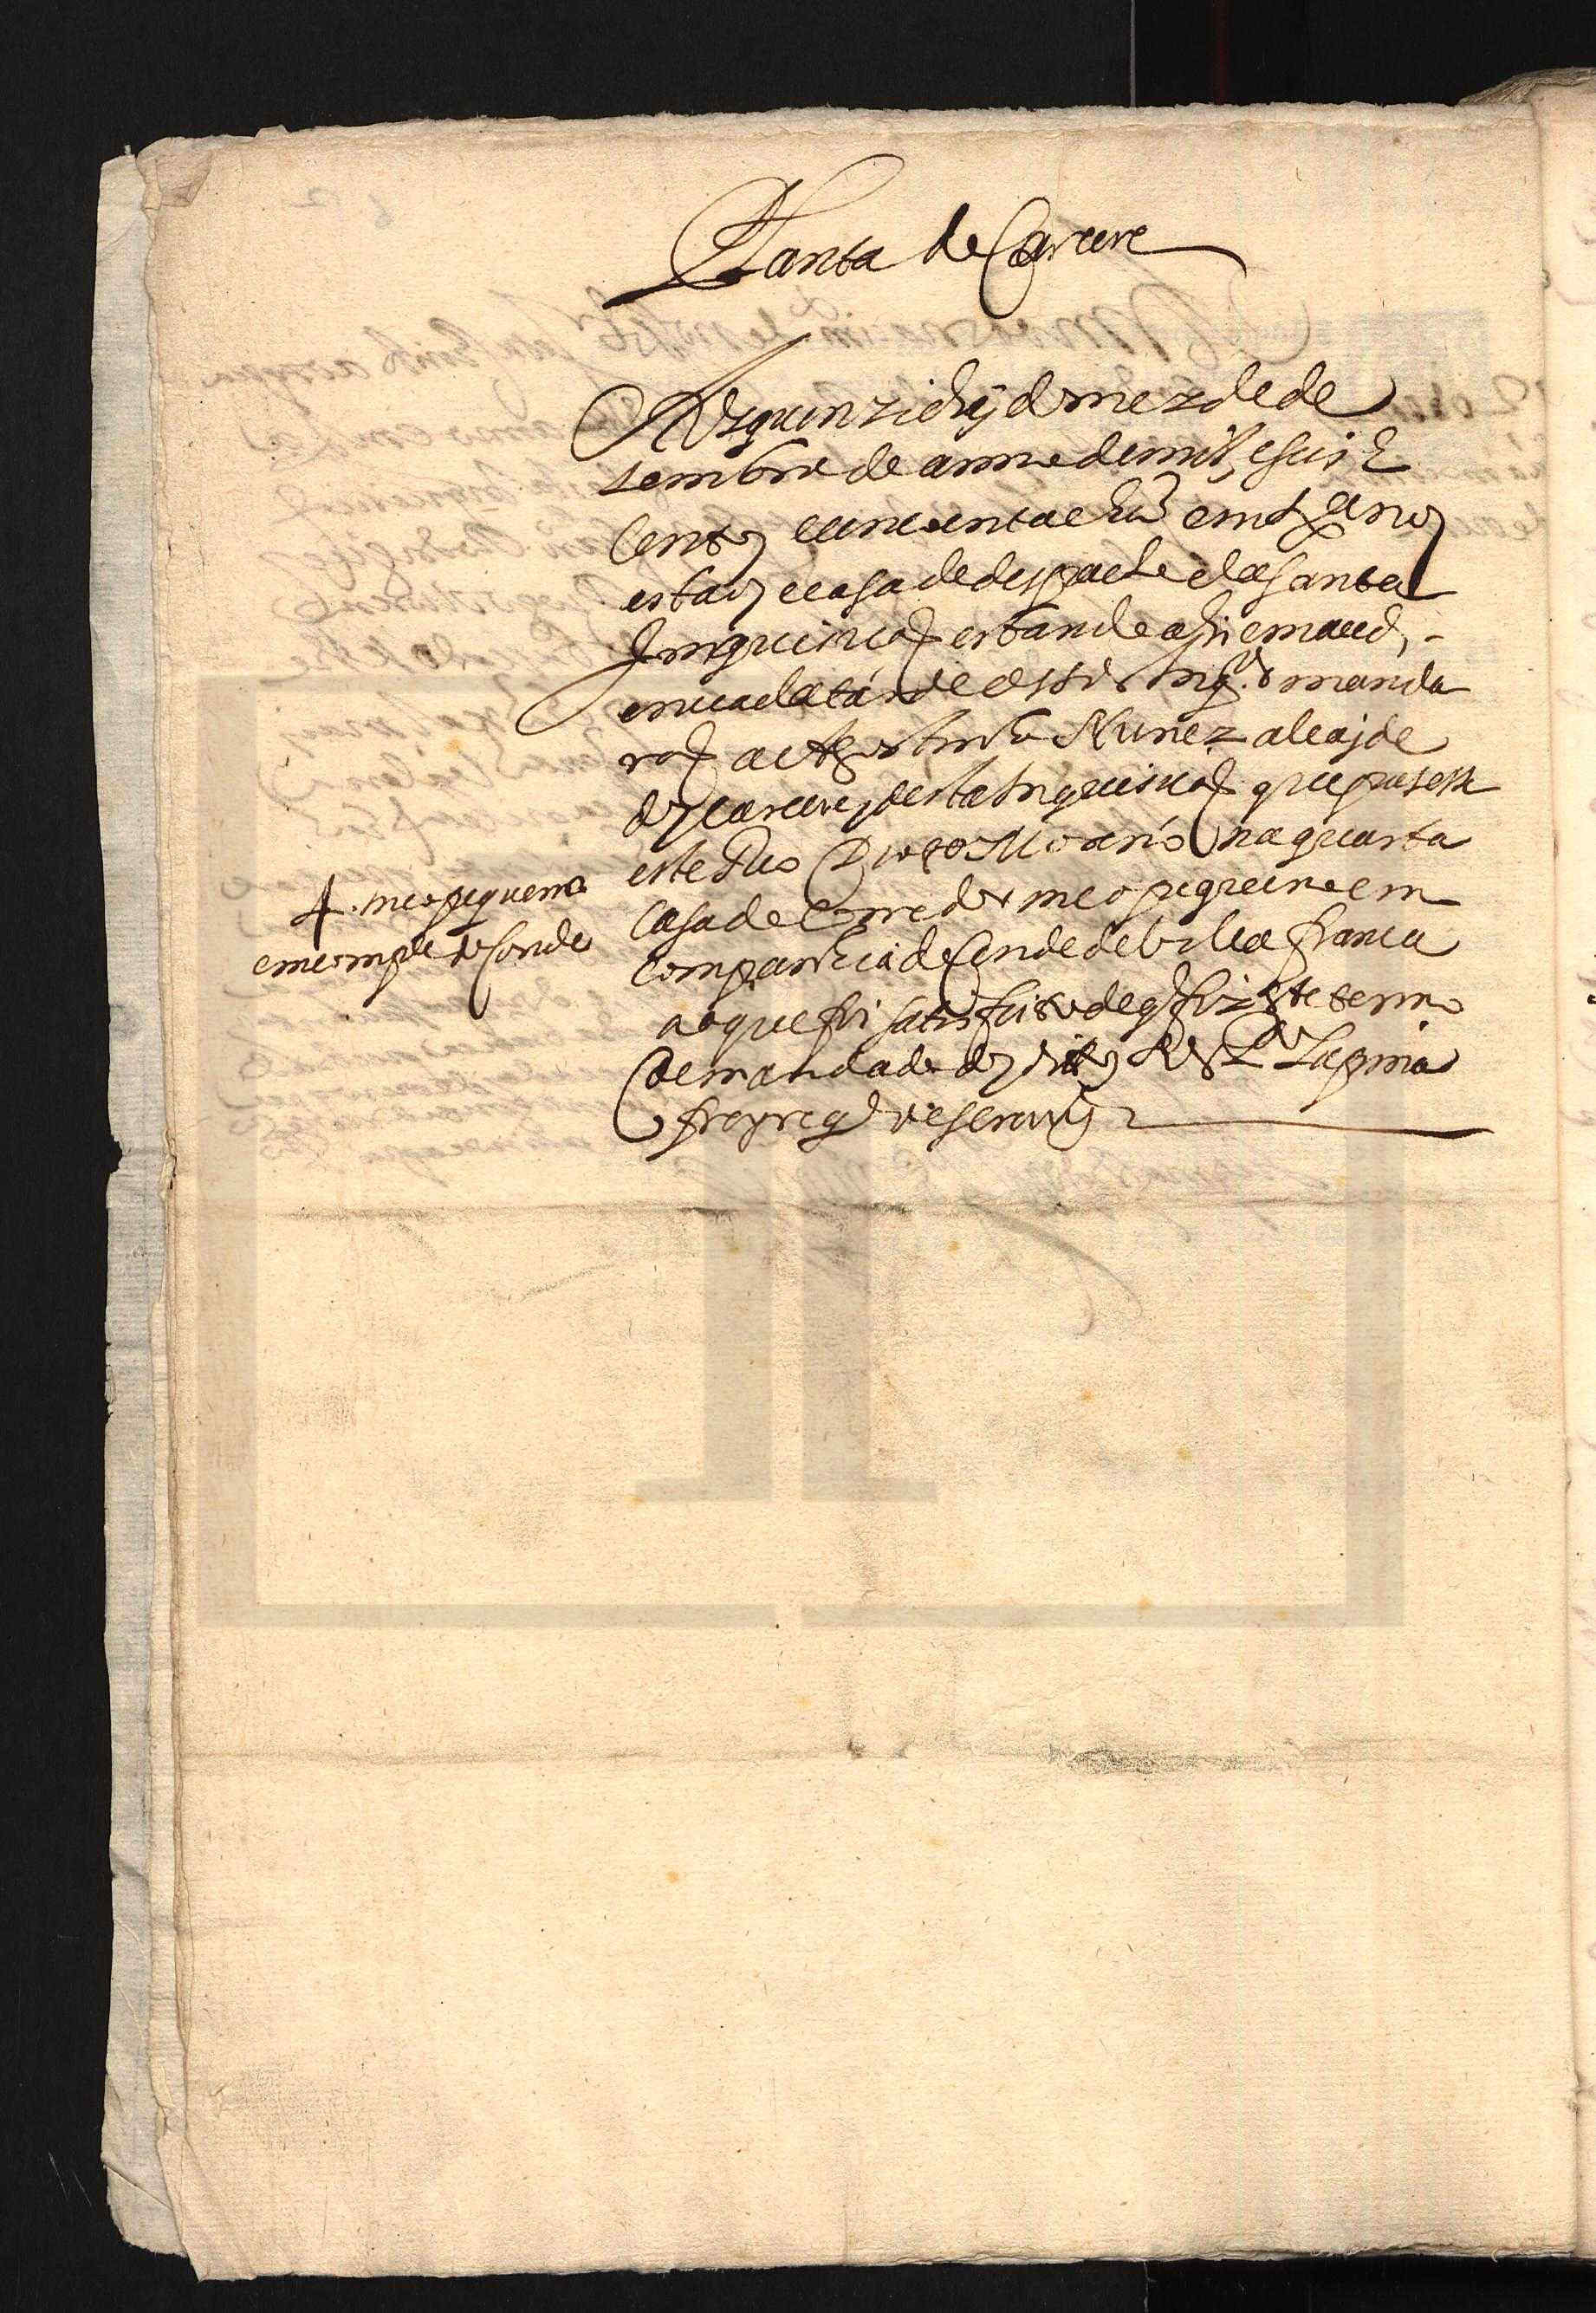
4. meo pequeno
em compa do Conde
PLanta do Carcere
Aos quinze dias do mez de de
sembro do anno de mil e seis E
centos e cincoenta e hū em Lxa nos
estaos e casa do despacho da santa
Jmquisiçaõ estando ahi em audi
encia da tarde os sres Inq.res manda
raõ a Agostinho Nunez alcajde
dos carceres desta Inquisiçaõ que pusesse
este Reo Diogo Moreno na quarta
casa do corredor meo pequeno em
companhia do Conde de Villa franca
ao que foi satisfeito de q̄ fiz este termo
de mandado dos dittos sres Po Lupina
freyre q̄ o escreuj
